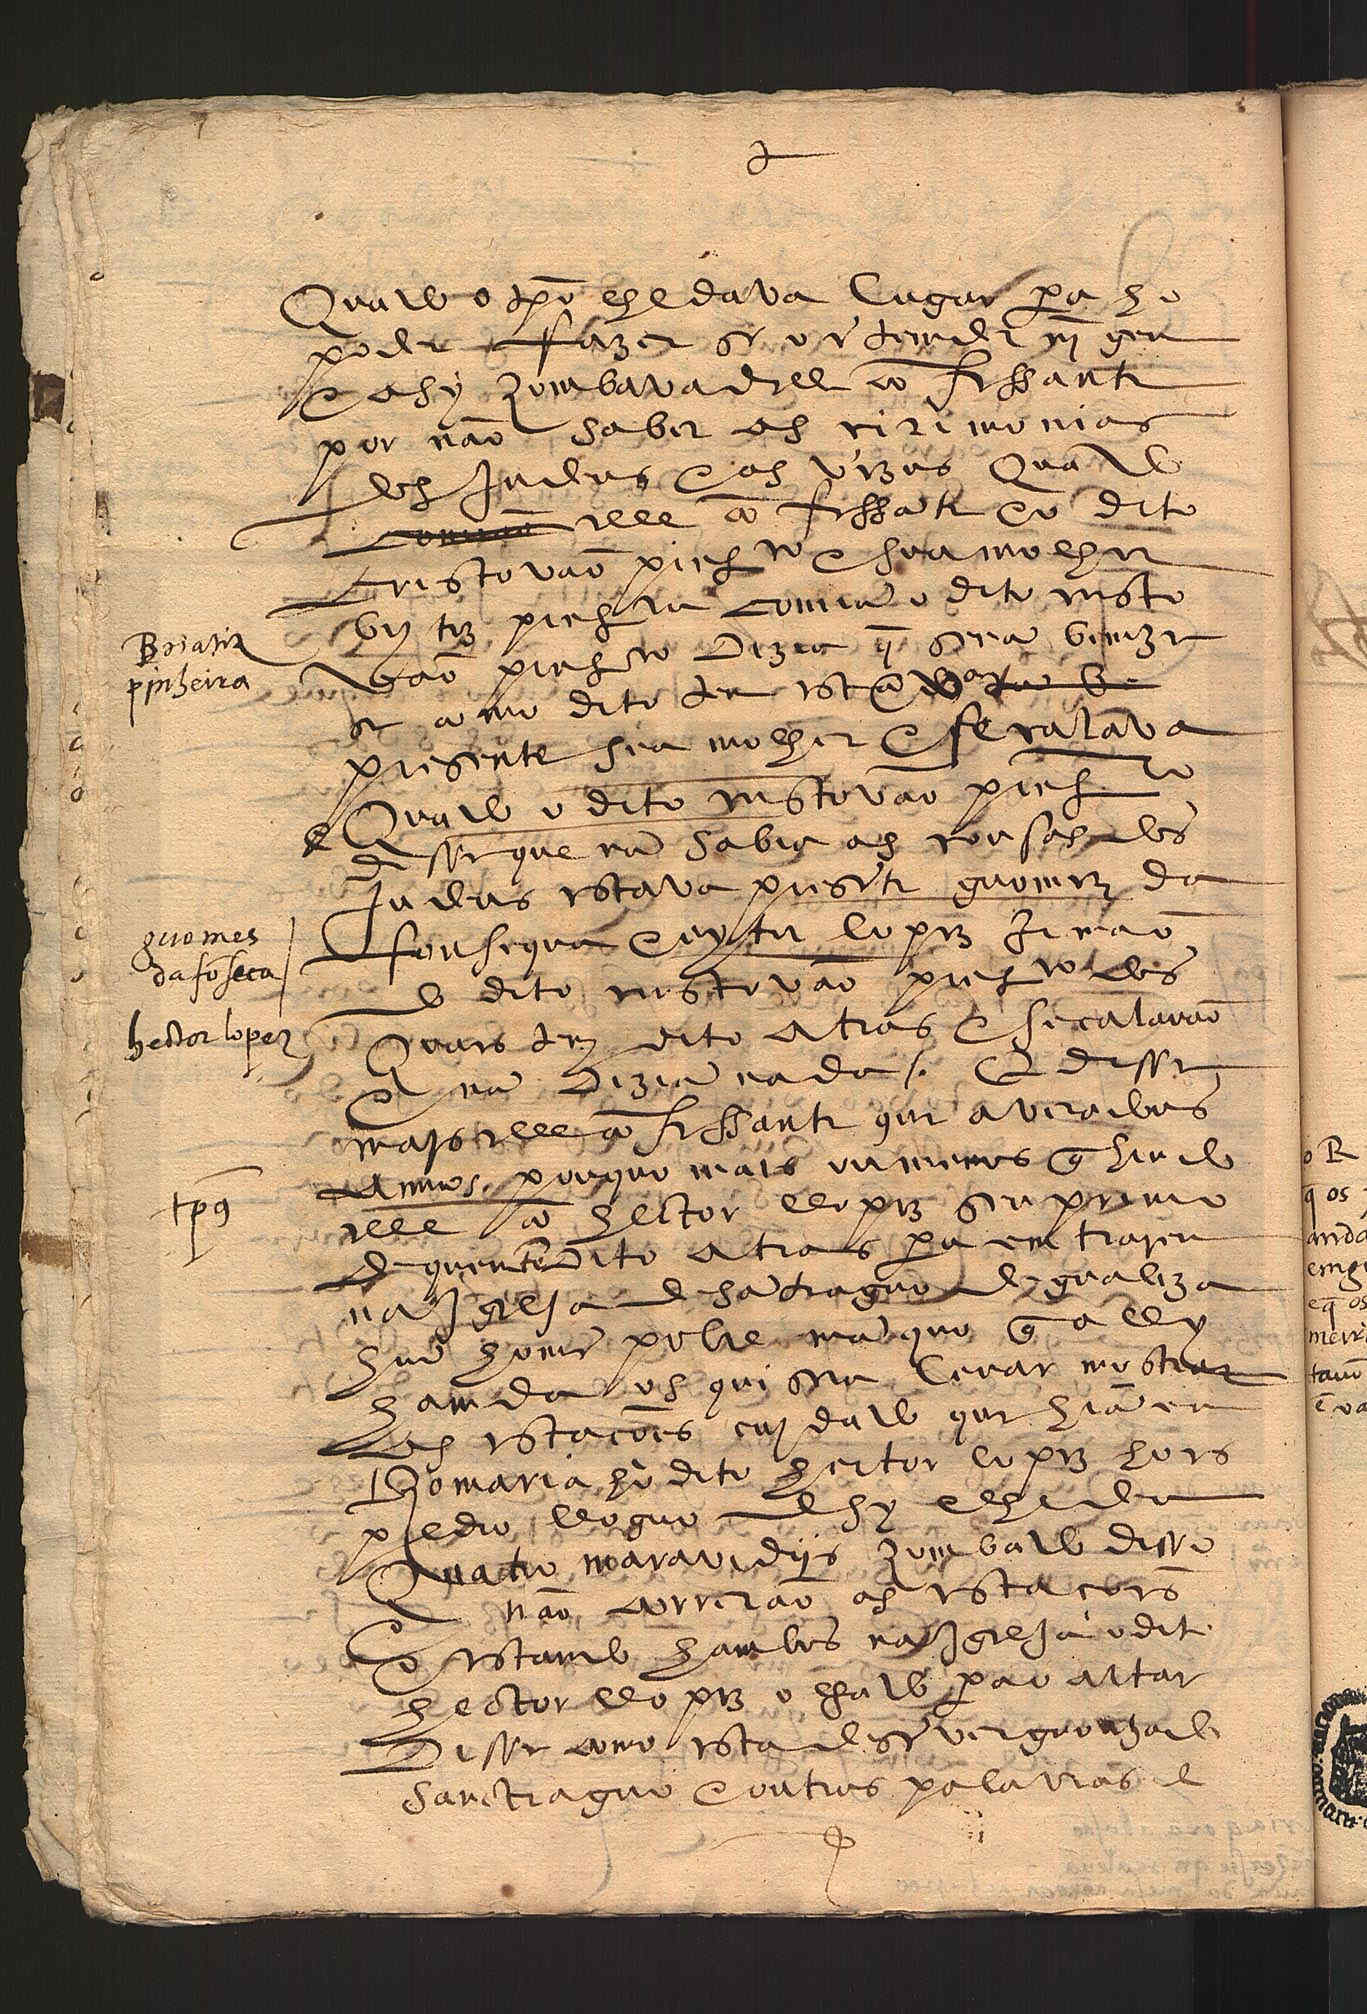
Quado o tp̄o lhe dava lugar ꝑa ho
poder fazer sē o ētemder nj̄gen
e asy zombava delle cōfessante
por não saber as çirimonias
dos Judeus e as vezes Quādo
elle cōfessāte e o dito
Cristovão pinhro e sua molher
brjtiz pinhra comiā o dito cristo
vaõ pinhro Dizia q̄ se nā bemze
se como dito tem estā va
presente sua molher e se calava
e Quado o dito cristovão pīnhro
disse que nā sabia as cousas dos
Judeus estava presēte guomez da
fonsequa e eytor lopez Jrmaõ
do dito cristovão pinhro dos
Quaes tem dito atras e se calauaõ
e nā Diziā nada /. E disse
majs elle cōfessāte que avera dous
annos pouquo mais ou menos q̄ hindo
elle cō hector llopez seu primo
de quem tē dito atras ꝑa emtraren
na Jgreja de sātiaguo de gualiza
huū homē pobre māquo q̄ ally
hamda os quisera leuar mostrar
as estações cujdādo que hiā en
Romaria hò dito heitor lopez ho es
pedio lloguo de sy e lhe deu
Quatro maravidijs zombādo disso
E não correrão as estaçoẽs
e estamdo hambos na JgreJa o dito
hector llopiz olhādo ꝑa o altar
Disse como esta desēverguonhado
Sanctiaguo e outras palavras de
